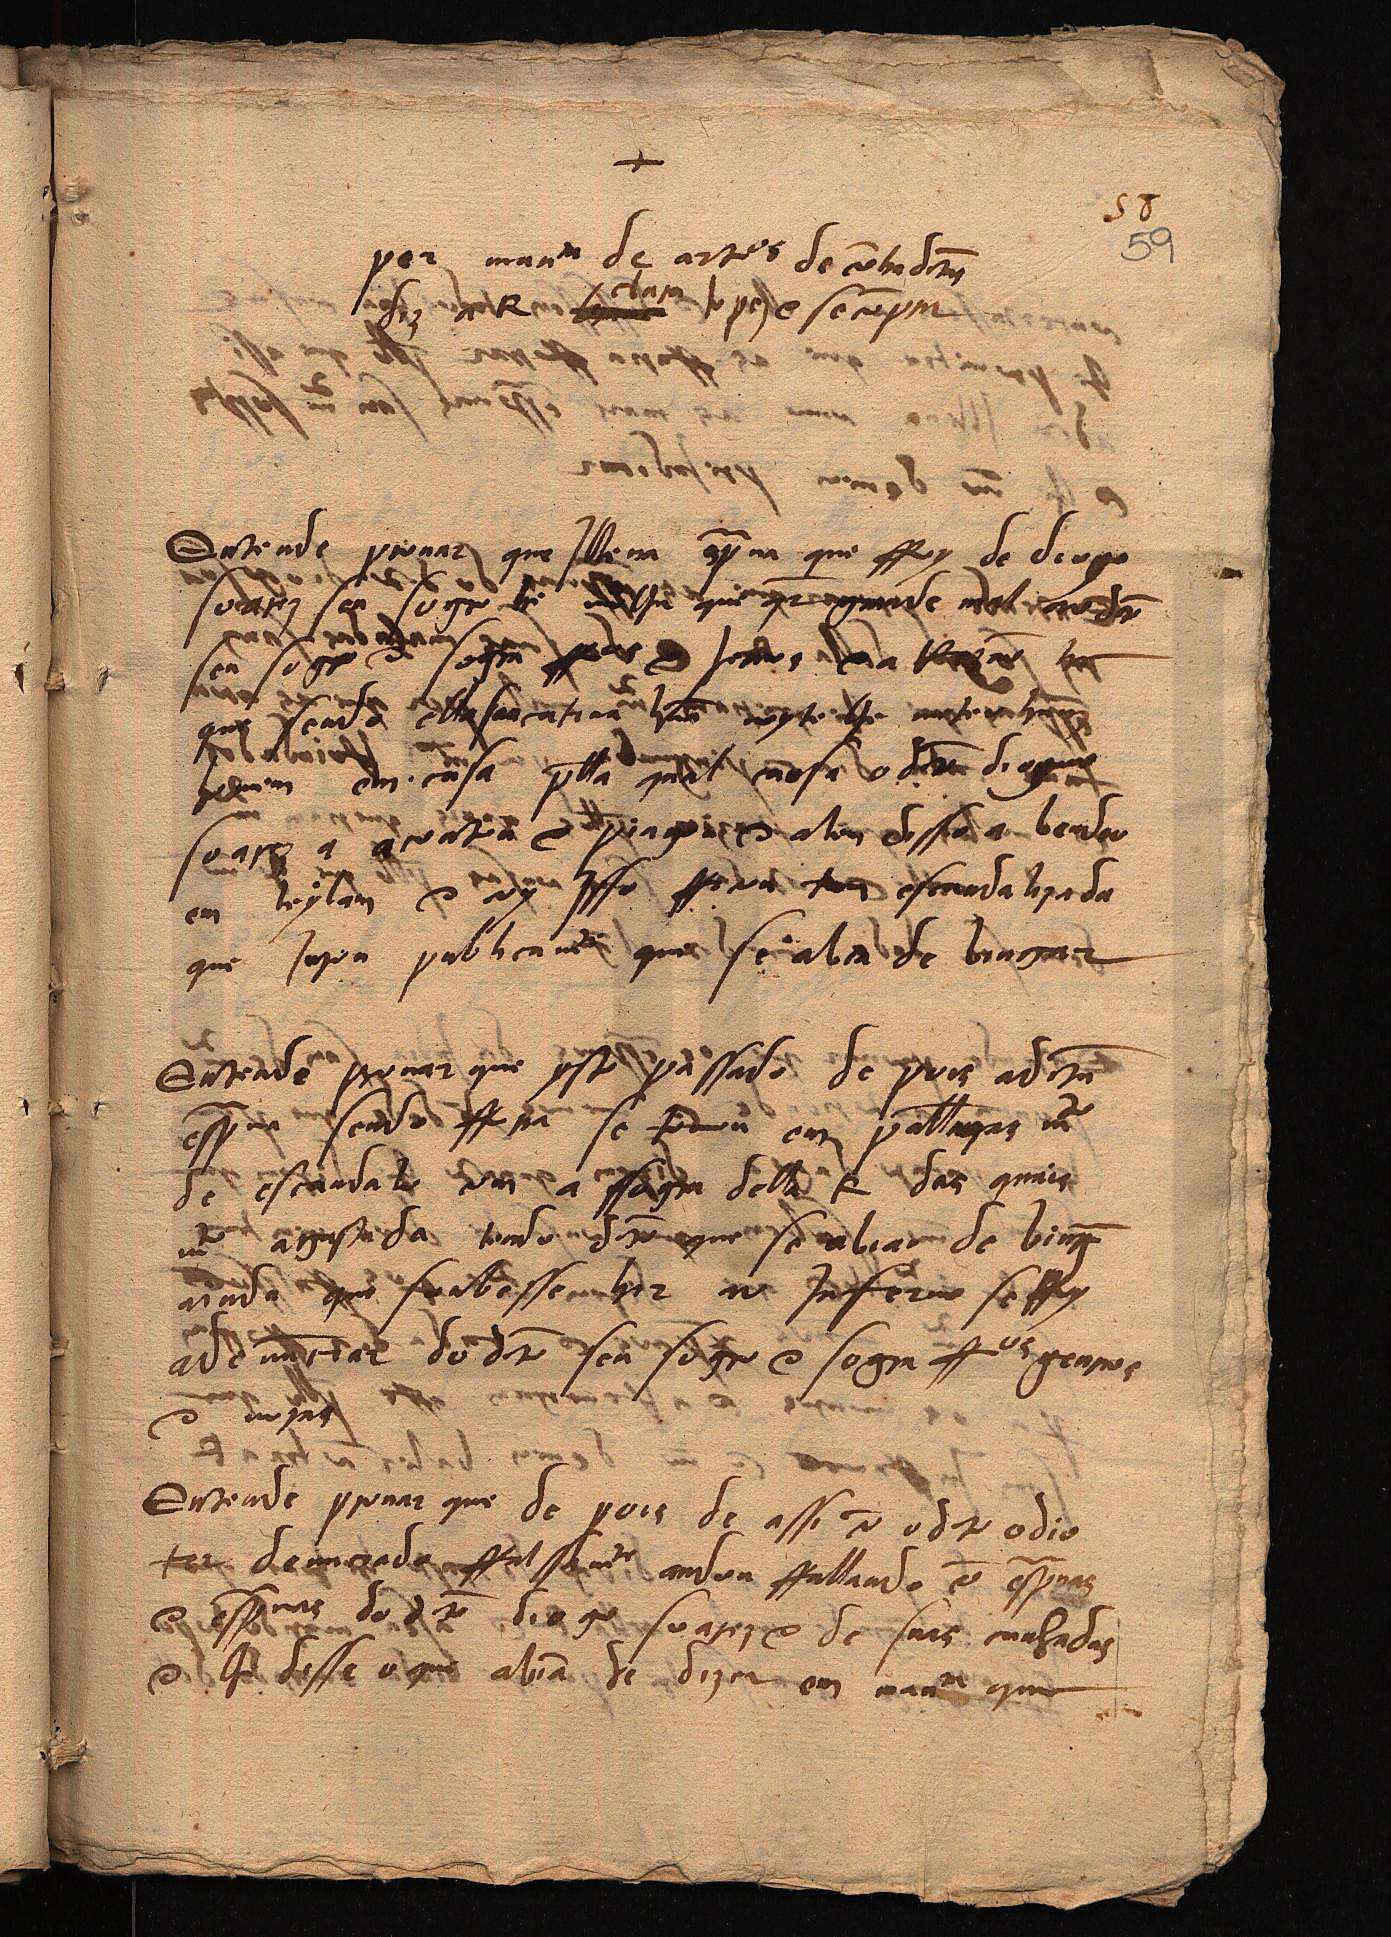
por manra de artos de c̄otradit̄as
diz a R lianor
clara
lopez e se cōprir
Entende prouar que Jllena ēspua que ffoy de diogo
soarez seu sogro he molher que q̄r grande mal ao dito
seu sogro e sogra ffos e Jerros e a Rezão he
que sendo ella sua catiua hūa noyte lhe meteu hum
homem em casa p̄lla qual caosa o dito dioguo
soarez a acoutou e pingou e alem disso a vendeo
em leylam e coy Jsso fficou tam escandalizada
que Jurou publicamte que se avia de vingar
Entende prouar que ysto passado de pois a dita
ēspua sendo fforra se tomou com pālluras mto
de escandalo com a ssogra della R das quais
mto agastada tendo dito que se avia de vinḡ
ainda que se ovesse hir ao Jnferno se ffoy
a den̄uciar do dito seu sogro e sogra ffos genrros
e noras
Entende prouar que de pois de assi c̄o o dito odio
ter denuciado ffalssamte andou ffallando c̄o ēspuos
e ēspuas do dito diogo soarez e de suas cunhadas
e lhe disse o que avīa de dizer em manra que
